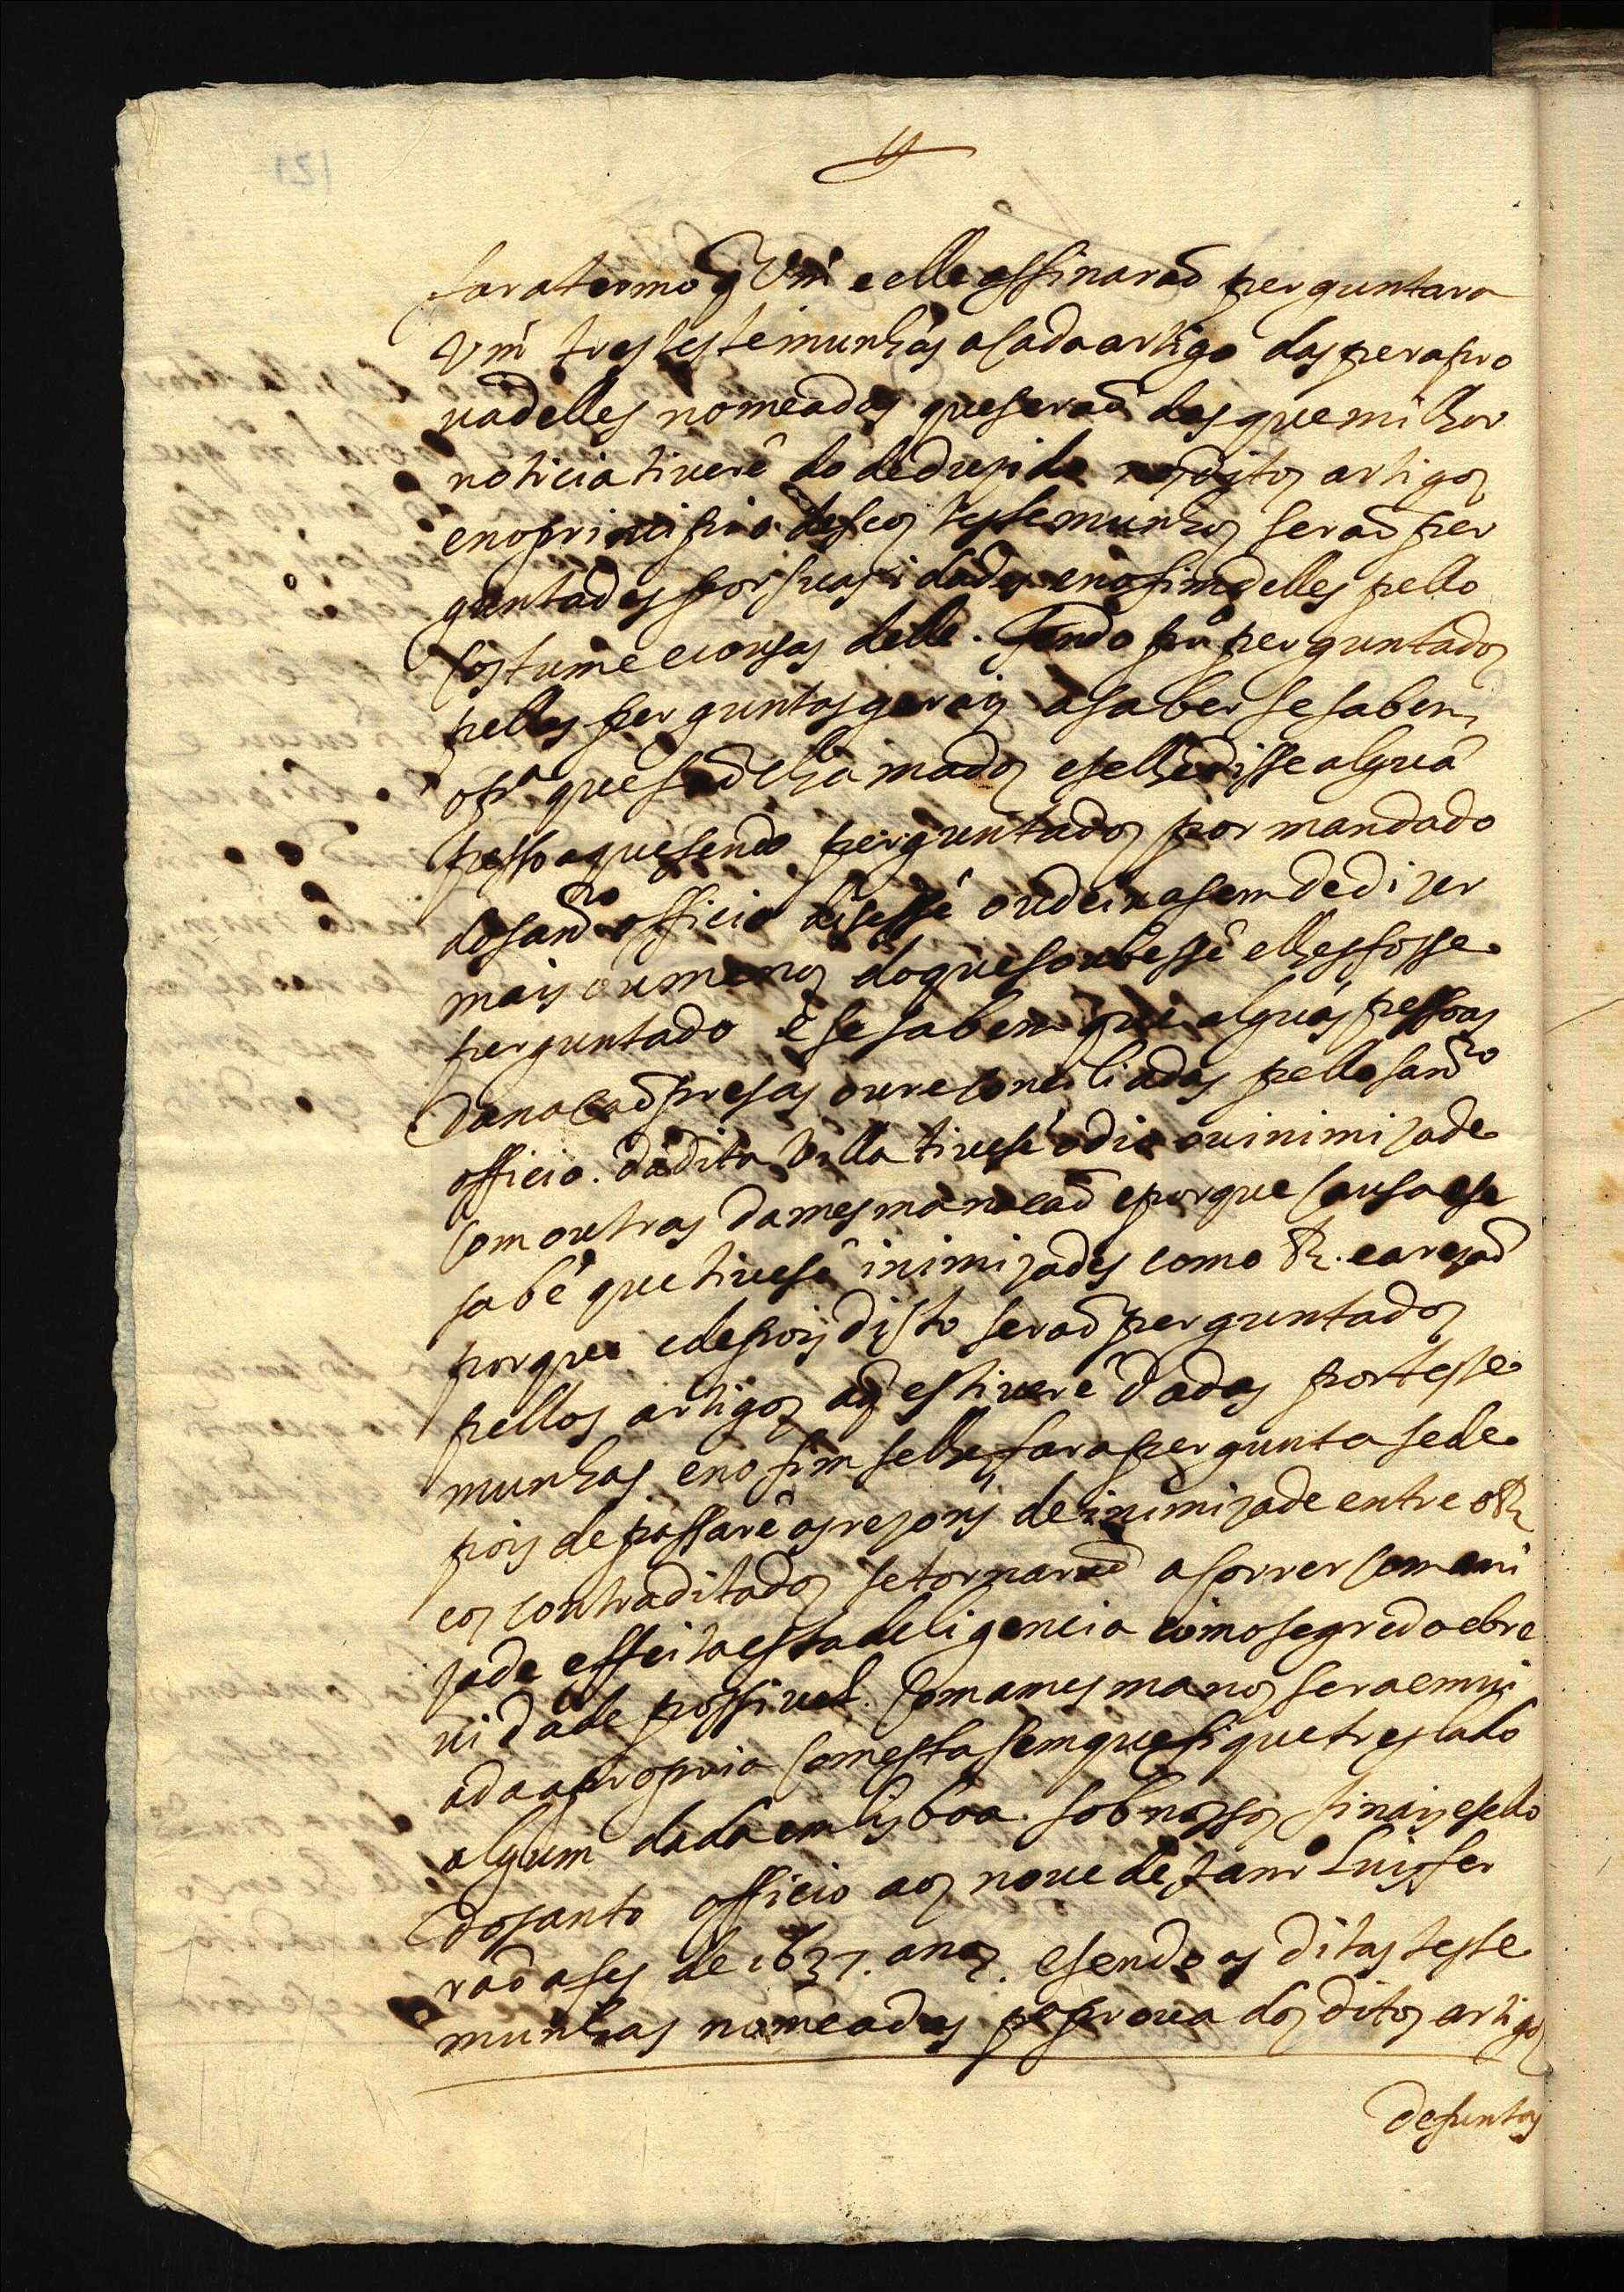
fara termo q̄ Vm e elle assinaraõ perguntara
Vm tres testemunhas a Cada artigo das pera pro
ua delles nomeadas que seraõ das que milhor
noticia tiuerē do deduzido nos ditos artigos
e no principio de seos testemunhos seraõ per
guntadas por suas idades e no fim delles pello
Costume e cousas delle. sendo pro perguntados
pellas perguntas gerais a saber se sabem
o pa que saõ chamados e se lhe disse alguā
pessoa que sendo perguntados por mandado
do santo officio disessē ou deixasem de dizer
mais ou menos do que soubessē e lhes fosse
perguntado e se sabem que alguās pessoas
da nacaõ presas ou reconciliadas pello santo
officio. da dita villa tiuesē odio ou inimizade
com outras da mesma nacaõ e porque Causa e se
sabe que tiuesē inimizades com o R. e a rezaõ
porque e depois disto seraõ perguntados
pellos artigos a q̄ estiuerē dadas por teste
munhas e no fim se lhes fara pergunta se de
pois de passarē as rezon̄s de inimizade entre o R
e os contraditados se tornaraõ a Correr Com ami
zade e ffeita esta deligencia com o segredo e bre
uidade possiuel. Com a mesma nos sera emui
ada a propria Com esta sem que fique treslado
algum dada em lisboa sob nossos sinais e sello
do santo officio aos noue de Janro Luis fer
raõ a fes de 1637. anos. e sendo as ditas teste
munhas nomeadas pa proua dos ditos artigos
defuntas
